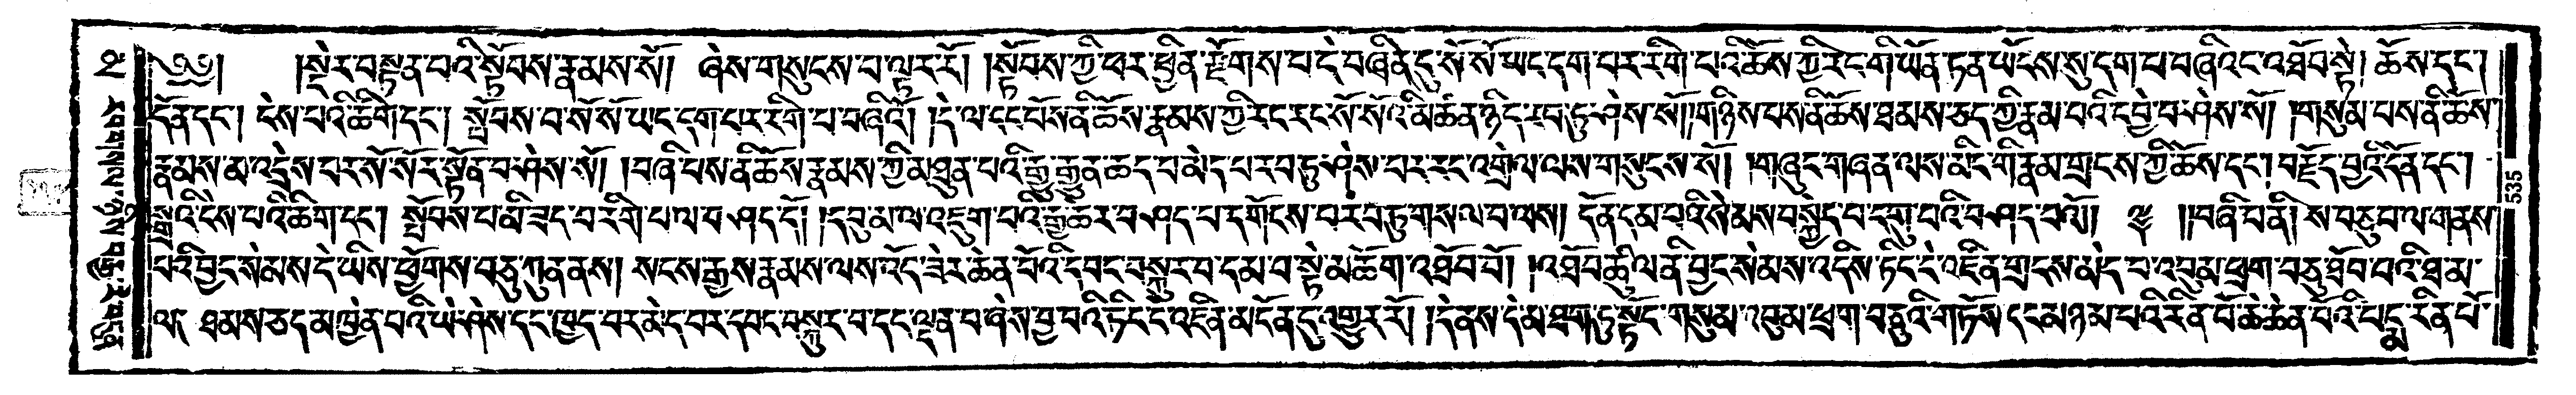༄༅། །སྡེར་བསྟན་པའི་སྟོབས་རྣམས་སོ། ཞེས་གསུངས་པ་ལྟར་རོ། །སྟོབས་ཀྱི་ཕར་ཕྱིན་རྫོགས་པ་དེ་བཞིན་དུ་སོ་སོ་ཡང་དག་པར་རིག་པའི་ཆོས་ཀྱི་རང་གི་ཡོན་ཏན་ཡོངས་སུ་དག་པ་བཞིའང་འཐོབ་སྟེ། ཆོས་དང་།
དོན་དང་། ངེས་པའི་ཚིག་དང་། སྤོབས་པ་སོ་སོ་ཡང་དག་པར་རིག་པ་བཞིའོ། །དེ་ལ་དང་པོས་ནི་ཆོས་རྣམས་ཀྱི་རང་རང་སོ་སོའི་མཚན་ཉིད་རབ་ཏུ་ཤེས་སོ། །གཉིས་པས་ནི་ཆོས་ཐམས་ཅད་ཀྱི་རྣམ་པའི་དབྱེ་བ་ཤེས་སོ། །གསུམ་པས་ནི་ཆོས་
རྣམས་མ་འདྲེས་པར་སོ་སོར་སྟོན་པ་ཤེས་སོ། །བཞི་པས་ནི་ཆོས་རྣམས་ཀྱི་མཐུན་པའི་རྒྱུ་རྒྱུན་ཆད་པ་མེད་པ་རབ་ཏུ་ཤེས་པར་རང་འགྲེལ་ལས་གསུངས་སོ། །གཞུང་གཞན་ལས་མིང་གི་རྣམ་གྲངས་ཀྱི་ཆོས་དང་། བརྗོད་བྱའི་དོན་དང་།
སྒྲའི་ངེས་པའི་ཚིག་དང་། སྤོབས་པ་མི་ཟད་པ་རིག་པ་ལ་བཤད་དོ། །དབུ་མ་ལ་འཇུག་པའི་རྒྱ་ཆེར་བཤད་པ་དགོངས་པ་རབ་ཏུ་གསལ་བ་ལས། དོན་དམ་པའི་སེམས་བསྐྱེད་པ་དགུ་པའི་བཤད་པའོ།། ༈ །།བཞི་པ་ནི། ས་བཅུ་པ་ལ་གནས་
པའི་བྱང་སེམས་ད་ཡིས་ཕྱོགས་བཅུ་ཀུན་ནས། སངས་རྒྱས་རྣམས་ལས་འོད་ཟེར་ཆེན་པོའི་དབང་བསྐུར་བ་དམ་པ་སྟེ་མཆོག་འཐོབ་བོ། །འཐོབ་ཚུལ་ནི་བྱང་སེམས་འདིས་ཏིང་ངེ་འཛིན་གྲངས་མེད་པ་འབུམ་ཕྲག་བཅུ་ཐོབ་པའི་ཐ་མ་
ལ༑ ཐམས་ཅད་མཁྱེན་པའི་ཡེ་ཤེས་དང་ཁྱད་པར་མེད་པར་དབང་བསྐུར་བ་དང་ལྡན་པ་ཞེས་བྱ་བའི་ཏིང་ངེ་འཛིན་མངོན་དུ་འགྱུར་རོ། །དེ་ནས་དེ་མ་ཐག་ཏུ་སྟོང་གསུམ་འབུམ་ཕྲག་བཅུའི་གཏོས་དང་མཉམ་པའི་རིན་པོ་ཆེ་ཆེན་པོའི་པདྨ་རིན་པོ་